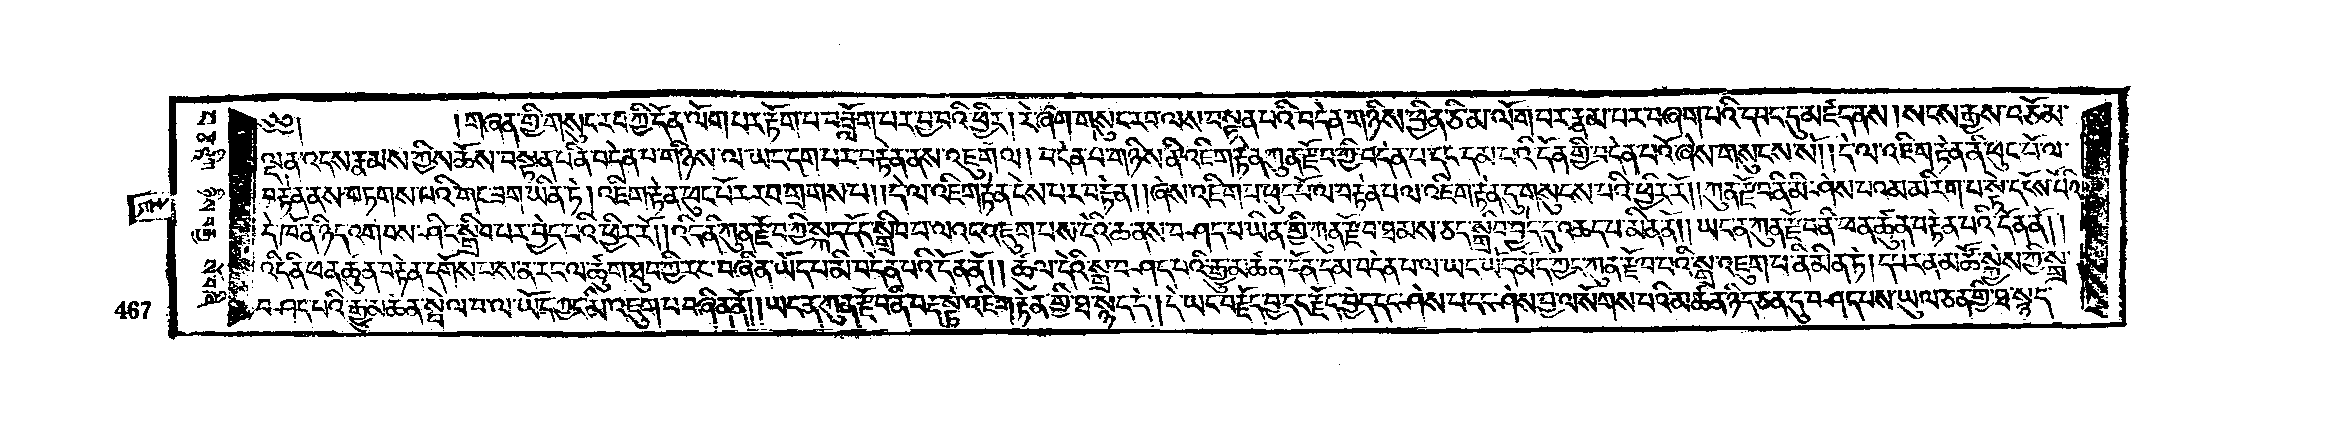༄༅། །གཞན་གྱི་གསུང་རབ་ཀྱི་དོན་ལོག་པར་རྟོག་པ་བཟློག་པར་བྱ་བའི་ཕྱིར། རེ་ཞིག་གསུང་རབ་ལས་བསྟན་པའི་བདེན་གཉིས་ཕྱིན་ཅི་མ་ལོག་པར་རྣམ་པར་བཞག་པའི་དབང་དུ་མཛད་ནས། སངས་རྒྱས་བཅོམ་
ལྡན་འདས་རྣམས་ཀྱིས་ཆོས་བསྟན་པ་ནི་བདེན་པ་གཉིས་ལ་ཡང་དག་པར་བརྟེན་ནས་འཇུག་ལ། བདེན་པ་གཉིས་ནི་འཇིག་རྟེན་ཀུན་རྫོབ་ཀྱི་བདེན་པ་དང་དམ་པའི་དོན་གྱི་བདེན་པའོ་ཞེས་གསུངས་སོ། །དེ་ལ་འཇིག་རྟེན་ནི་ཕུང་པོ་ལ་
བརྟེན་ནས་བཏགས་པའི་གང་ཟག་ཡིན་ཏེ། འཇིག་རྟེན་ཕུང་པོར་རབ་གྲགས་པ། །དེ་ལ་འཇིག་རྟེན་ངེས་པར་བརྟེན། །ཞེས་འཇིག་པ་ཕུང་པོ་ལ་བརྟེན་པ་ལ་འཇིག་རྟེན་དུ་གསུངས་པའི་ཕྱིར་རོ། །ཀུན་རྫོབ་ནི་མི་ཤེས་པའམ་མ་རིག་པ་སྟེ་དངོས་པོའི་
དེ་ཁོ་ན་ཉིད་འགབས་ཤིང་སྒྲིབ་པར་བྱེད་པའི་ཕྱིར་རོ། །འདི་ནི་ཀུན་རྫོབ་ཀྱི་སྐད་དོད་སྒྲིབ་པ་ལའང་འཇུག་པས་དེའི་ཆ་ནས་བཤད་པ་ཡིན་གྱི་ཀུན་རྫོབ་ཐམས་ཅད་སྒྲིབ་བྱེད་དུ་འཆད་པ་མིན་ནོ། །ཡང་ན་ཀུན་རྫོབ་ནི་ཕན་ཚུན་བརྟེན་པའི་དོན་ནོ། །
འདི་ནི་ཕན་ཚུན་བརྟེན་དགོས་པས་ན་རང་ལ་ཚུག་ཐུབ་ཀྱི་རང་བཞིན་ཡོད་པ་མི་བདེན་པའི་དོན་ནོ། །ཚུལ་དེའི་སྒྲ་བཤད་པའི་རྒྱུ་མཚན་དོན་དམ་བདེན་པ་ལ་ཡང་ཡོད་མོད་ཀྱང་ཀུན་རྫོབ་པའི་སྒྲ་འཇུག་པ་ནི་མིན་ཏེ་དཔེར་ན་མཚོ་སྐྱེས་ཀྱིས་གྲ་
བཤད་པའི་རྒྱུ་མཚན་སྤེལ་བ་ལ་ཡོད་ཀྱང་མི་འཇུག་པ་བཞིན་ནོ། །ཡང་ན་ཀུན་རྫོབ་ནི་བརྡ་སྟེ་འཇིག་རྟེན་གྱི་ཐ་སྙད་དེ། དེ་ཡང་བརྗོད་བྱེད་དང་རྗོད་དང་ཤེས་པ་དང་ཤེས་བྱ་ལ་སོགས་པའི་མཚན་ཉིད་ཅན་དུ་བཤད་པས་ཡུལ་ཅན་གི་ཐ་སྙད་